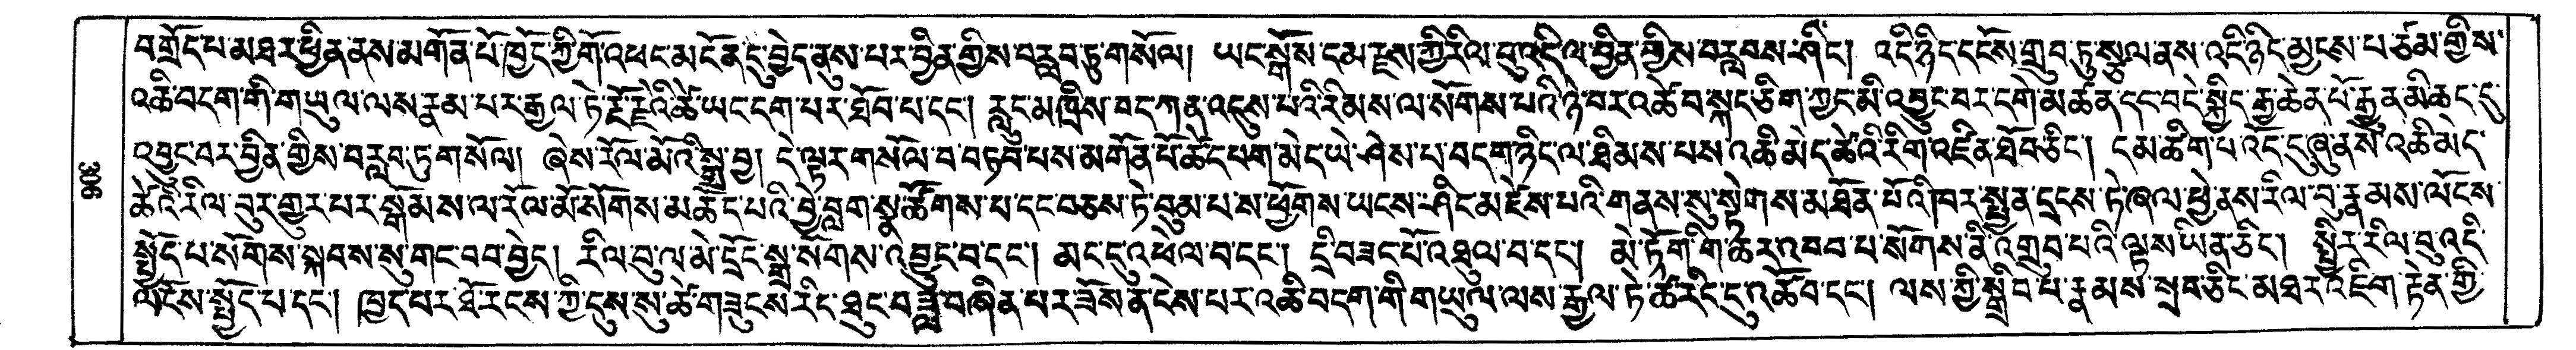བགྲོད་པ་མཐར་ཕྱིན་ནས་མགོན་པོ་ཁྱོད་ཀྱི་གོ་འཕང་མངོན་དུ་བྱེད་ནུས་པར་བྱིན་གྱིས་བརླབ་ཏུ་གསོལ། ཡང་སྒོས་དམ་རྫས་ཀྱི་རིལ་བུ་འདི་ལ་བྱིན་གྱིས་བརླབས་ཤིང་། འདི་ཉིད་དངོས་གྲུབ་ཏུ་སྩལ་ནས་འདི་ཉིད་མྱངས་བཙམ་གྱིས་
འཆི་བདག་གི་གཡུལ་ལས་རྣམ་པར་རྒྱལ་ཏེ་རྡོ་རྗེའི་ཚེ་ཡང་དག་པར་ཐོབ་པ་དང་། རླུང་མཁྲིས་བད་ཀན་འདུས་པའི་རིམས་ལ་སོགས་པའི་ཉེ་བར་འཚེ་བ་སྐད་ཅིག་ཀྱང་མི་འབྱུང་བར་དགེ་མཚན་དང་བདེ་སྐྱིད་རྒྱ་ཆེན་པོ་རྒྱུན་མི་ཆད་དུ་
འབྱུང་བར་བྱིན་གྱིས་བརླབ་ཏུ་གསོལ། ཞེས་རོལ་མོའི་སྒྲ་བྱ། དེ་ལྟར་གསོལ་བ་བཏབ་པས་མགོན་པོ་ཚེ་དཔག་མེད་ཡེ་ཤེས་བ་བདག་ཉིད་ལ་ཐིམས་པས་འཆི་མེད་ཚེའི་རིག་འཛིན་ཐོབ་ཅིང་། དམ་ཚིག་པ་འོད་དུ་ཞུ་ནས་འཆི་མེད་
ཚེའི་རིལ་བུར་གྱུར་པར་སྒོམས་ལ་རོལ་མོ་སོགས་མཆོད་པའི་བྱེ་བྲག་སྣ་ཚོགས་པ་དང་བཅས་ཏེ་བུམ་པ་ས་ཕྱོགས་ཡངས་ཤིང་མཛེས་པའི་གནས་སུ་སྟེགས་མཐོན་པོའི་ཁར་སྤྱན་དྲངས་ཏེ་ཞལ་ཕྱེ་ནས་རིལ་བུ་རྣམས་ལོངས་
སྤྱོད་པ་སོགས་སྐབས་སུ་གང་བབ་བྱེད། རིལ་བུ་ལ་མེ་དྲོང་སྒྲ་སོགས་འབྱུང་བ་དང་། མང་དུ་འཕེལ་བ་དང་། དྲི་བཟང་པོ་འཐུལ་བ་དང་། མེ་ཏོག་གི་ཆར་འབབ་པ་སོགས་ནི་འགྲུབ་པའི་ལྟས་ཡིན་ཅིང་། སྦྱིར་རིལ་བུ་འདི་
ལོངས་སྤྱད་པ་དང་། ཁྱད་པར་ཐོ་རངས་ཀྱི་དུས་སུ་ཚེ་གཟུངས་རིང་ཐུང་བཟླ་བཞིན་པར་ཟོས་ན་ངེས་པར་འཆི་བདག་གི་གཡུལ་ལས་རྒྱལ་ཏེ་ཚེ་རིང་དུ་འཚོ་བ་དང་། ལས་ཀྱི་སྒྲིབ་པ་རྣམས་སྲབ་ཅིང་མཐར་འཇིག་རྟེན་གྱི་